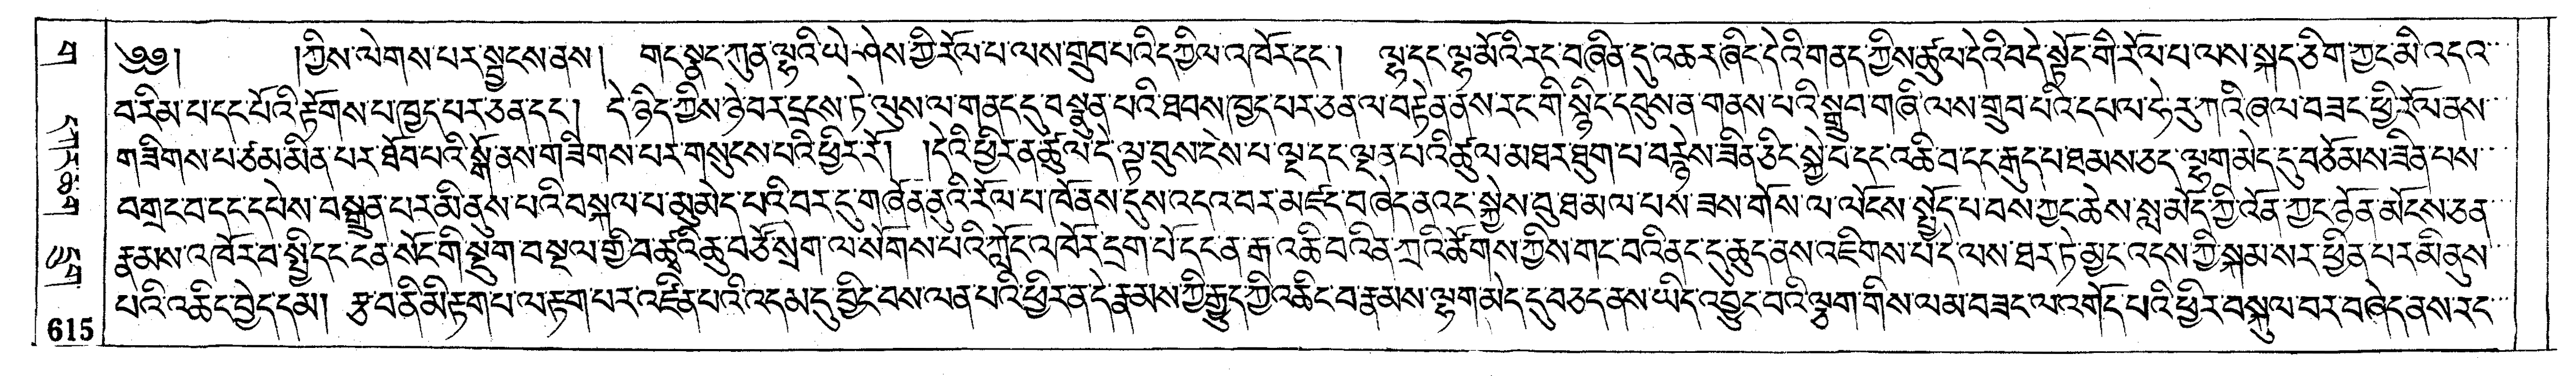༄༅། །ཀྱིས་ལེགས་པར་སྦྱངས་ནས། གང་སྣང་ཀུན་ལྷའི་ཡེ་ཤེས་ཀྱི་རོལ་པ་ལས་གྲུབ་པའི་དཀྱིལ་འཁོར་དང་། ལྷ་དང་ལྷ་མོའི་རང་བཞིན་དུ་འཆར་ཞིང་དེའི་གནད་ཀྱིས་ཚུལ་དེའི་བདེ་སྟོང་གི་རོལ་པ་ལས་སྐད་ཅིག་ཀྱང་མི་འདའ་
བ་རིམ་བ་དང་བོའི་རྟོགས་བ་ཁྱད་པར་ཅན་དང་། དེ་ཉིད་ཀྱིས་ཉེ་བར་དྲངས་ཏེ་ལུས་ལ་གནད་དུ་བསྣུན་པའི་ཐབས་ཁྱད་བར་ཅན་ལ་བརྟེན་ནས་རང་གི་སྙིང་དབུས་ན་གནས་པའི་སྒྲུབ་གཞི་ལས་གྲུབ་པའི་དཔལ་ཧེ་རུ་ཀའི་ཞལ་བཟང་ཕྱི་རོལ་ནས་
གཟིགས་པ་ཙམ་མིན་པར་ཐོབ་པའི་སྒོ་ནས་གཟིགས་བར་གསུངས་པའི་ཕྱིར་རོ། །དེའི་ཕྱིར་ན་ཚུལ་དེ་ལྟ་བུས་ངེས་པ་ལྔ་དང་ལྡན་པའི་ཚུལ་མཐར་ཐུག་པ་བརྙེས་ཟིན་ཅིང་སྐྱེ་བ་དང་འཆི་བ་དང་རྒུད་པ་ཐམས་ཅད་ལྷག་མེད་དུ་བཅོམས་ཟིན་བས་
བགྲང་བ་དང་དཔེས་བསྒྲུན་པར་མི་ནུས་པའི་བསྐལ་པ་མུ་མེད་པའི་བར་དུ་གཞོན་ནུའི་རོལ་པ་ཁོ་ནས་དུས་འདའ་བར་མཛད་བཞེད་ནའང་སྐྱེས་བུ་ཐ་མལ་པས་ཟས་གོས་ལ་ལོངས་སྤྱོད་པ་བས་ཀྱང་ཆེས་སླ་མོད་ཀྱི་འོན་ཀྱང་ཉོན་མོངས་ཅན་
རྣམས་འཁོར་པ་སྤྱི་དང་ངན་སོང་གི་སྡུག་བསྔལ་གྱི་བ་ཚྭའི་ཆུ་བཙོ་སྲེག་ལ་སོགས་པའི་ཀློང་འཁོར་དྲག་པོ་དང་ན་རྒ་འཆི་བའི་ན་ཀྲའི་ཚོགས་ཀྱིས་གང་བའི་ནང་དུ་ཆུད་ནས་འཇིགས་པ་དེ་ལས་ཐར་ཏེ་མྱང་འདས་ཀྱི་སྐམ་སར་ཕྱིན་པར་མི་ནུས་
པའི་འཆིང་བྱེད་དམ། རྩ་བ་ནི་མི་རྟག་པ་ལ་རྟག་པར་འཛིན་པའི་འདམ་དུ་བྱིང་བས་ལན་བའི་ཕྱིར་ན་དེ་རྣམས་ཀྱི་རྒྱུད་ཀྱི་འཆིང་བ་རྣམས་ལྷག་མེད་དུ་བཅད་ནས་ཡིད་འབྱུང་བའི་ལྕག་གིས་ལམ་བཟང་ལ་འགོད་བའི་ཕྱིར་བསྐུལ་བར་བཞེད་ནས་རང་